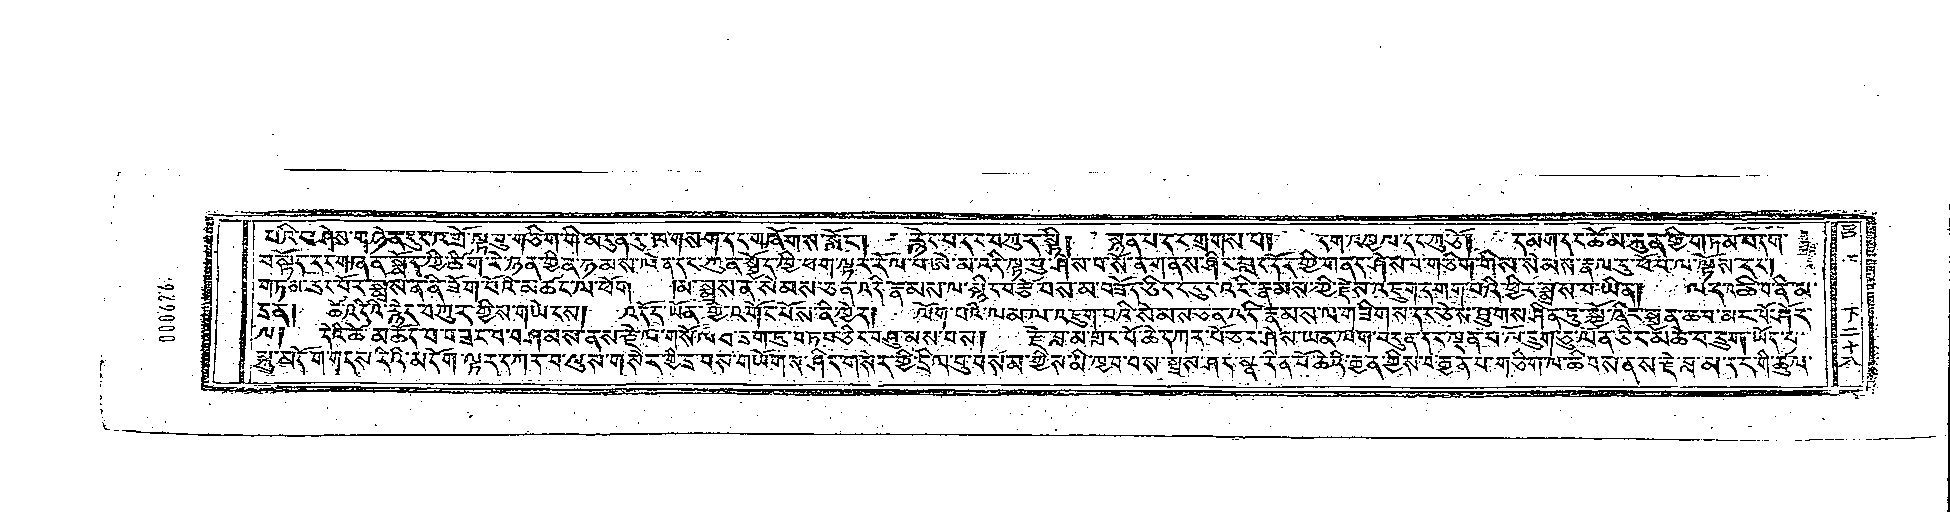པའི་བཤེས་གཉེན་དུད་འགྲོ་ལྟ་བུ་གཅིག་གི་མདུན་དུ་ཁ་གསག་དང་གཞོགས་སློང་། རྙེད་པ་དང་བཀུར་སྟི། སྙན་པ་དང་གྲགས་པ། དག་འཁྱལ་དང་ཀུ་ཅོ། དམག་དང་ཆོམ་རྐུན་གྱི་གཏམ་བདག་
བསྟོད་དང་གཞན་སྨོད་ཀྱི་ཚིག་རེ་ཉན་གྱིན་ཉམས་ལེན་དང་ཀུན་སྤྱོད་ཁྱི་ཕག་ལྟར་རོལ་བ་ཨེ་མ་འདི་ལྟ་བུ་ཤེས་པ་སོ་ན་གནས་ཤིང་བླང་དོར་གྱི་གནད་ཤེས་བ་གཅིག་གིས་སེམས་རྣལ་དུ་ཕོབ་ལ་ལྟོས་དང་།
གཏམ་དྲང་པོར་སྨྲས་ན་ནི་ཟོག་པོའི་མཚང་ལ་ཕོག །མ་སྨྲས་ན་སེམས་ཅན་འདི་རྣམས་ལ་སྙིང་བརྩེ་བས་མ་བཟོད་ཅིང་ད་དུང་འདི་རྣམས་ཀྱི་རྗེས་འཇུག་དགག་པའི་ཕྱིར་སྨྲས་པ་ཡིན། ལར་འཆི་བ་ནི་མ་
དྲན། ཚེ་འདིའི་རྙེད་བཀུར་གྱིས་གཡེངས། འདོད་ཡོན་གྱི་འགོང་པོས་ནི་ཁྱེར། ལོག་པའི་ལམ་ལ་འཇུག་པའི་སེམས་ཅན་འདི་རྣམས་ལ་གཟིགས་དང་ཅེས་ཐུགས་ཤིན་ཏུ་སྐྱོ་ཞིང་སྤྱན་ཆབ་མང་པོ་ཤོར་
ལ། དེའི་ཚེ་མཆོད་བ་བཟང་བ་བཤམས་ནས་རྗེ་ལ་གསོལ་བ་དྲག་ཏུ་བཏབ་ཅིང་བཤུམས་པས། རྗེ་བླ་མ་གླང་པོ་ཆེ་དཀར་པོ་ཅང་ཤེས་ཡན་ལག་བདུན་དང་ལྡན་པ་ལོ་དྲུག་ཅུ་ལོན་ཅིང་མཆེ་བ་དྲུག་ཡོད་པ་
སྐུ་མདོག་གངས་རིའི་མདོག་ལྟར་དཀར་བ་ལུས་གསེར་གྱི་དྲ་བས་གཡོགས་ཤིང་གསེར་གྱི་དྲིལ་བུ་བསམ་གྱིས་མི་ཁྱབ་པས་སྤྲས་ཤད་སྣ་རིན་པོ་ཆེའི་རྒྱན་གྱིས་བརྒྱན་པ་གཅིག་ལ་ཆིབས་ནས་རྗེ་བླ་མ་རང་གི་ཚུལ་